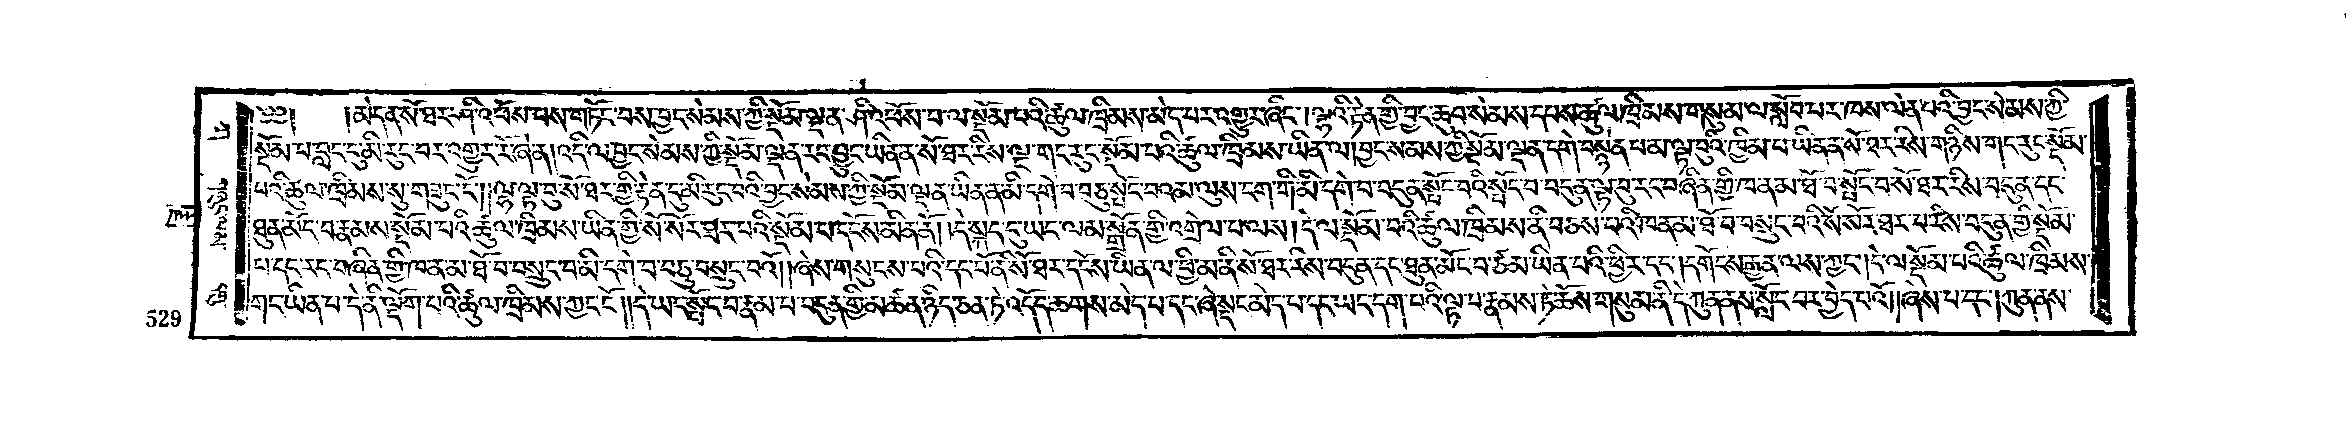༄༅། །མེད་ན་སོ་ཐར་ཤི་འཕོས་པས་གཏོང་བས་བྱང་སེམས་ཀྱི་སྡོམ་ལྡན་ཤི་འཕོས་པ་ལ་སྡོམ་པའི་ཚུལ་ཁྲིམས་མེད་པར་འགྱུར་ཞིང་། ལྷའི་རྟེན་གྱི་བྱང་ཆུབ་སེམས་དཔས་ཚུལ་ཁྲིམས་གསུམ་ལ་སློབ་པར་ཁས་ལེན་པའི་བྱང་སེམས་ཀྱི་
སྡོམ་པ་བླང་དུ་མི་རུང་བར་འགྱུར་རོ་ཞེ་ན། འདི་ལ་བྱང་སེམས་ཀྱི་སྡོམ་ལྡན་རབ་བྱུང་ཡིན་ན་སོ་ཐར་རིས་ལྔ་གང་རུང་སྡོམ་པའི་ཚུལ་ཁྲིམས་ཡིན་ལ། བྱང་སེམས་ཀྱི་སྡོམ་ལྡན་དགེ་བསྙེན་པ་མ་ལྟ་བུའི་ཁྱིམ་པ་ཡིན་ན་སོ་ཐར་རིས་གཉིས་གང་རུང་སྡོམ་
པའི་ཚུལ་ཁྲིམས་སུ་གཟུང་ངོ། །ལྷ་ལྟ་བུ་སོ་ཐར་གྱི་རྟེན་དུ་མི་རུང་བའི་བྱང་སེམས་ཀྱི་སྡོམ་ལྡན་ཡིན་ན་མི་དགེ་བ་བཅུ་སྤོང་བའམ་ལུས་ངག་གི་མི་དགེ་བ་བདུན་སྤོང་བའི་སྤོང་བ་བདུན་ལྟ་བུ་རང་བཞིན་གྱི་ཁ་ན་མ་ཐོ་བ་སྤོང་བ་སོ་ཐར་རིས་བདུན་དང་
ཐུན་མོང་བ་རྣམས་སྡོམ་པའི་ཚུལ་ཁྲིམས་ཡིན་གྱི་སོ་སོར་ཐར་པའི་སྡོམ་པ་དངོས་མིན་ནོ། །དེ་སྐད་དུ་ཡང་ལམ་སྒྲོན་གྱི་འགྲེལ་པ་ལས། དེ་ལ་སྡོམ་པའི་ཚུལ་ཁྲིམས་ནི་བཅས་པའི་ཁ་ན་མ་ཐོ་བ་བསྲུང་བའི་སོ་སོར་ཐར་པ་རིས་བདུན་གྱི་སྡོམ་
པ་དང་རང་བཞིན་གྱི་ཁ་ན་མ་ཐོ་བ་བསྲུང་བ་མི་དགེ་བ་བཅུ་བསྲུང་བའོ། །ཞེས་གསུངས་པའི་དང་པོ་ནི་སོ་ཐར་དངོས་ཡིན་ལ་ཕྱི་མ་ནི་སོ་ཐར་རིས་བདུན་དང་ཐུན་མོང་བ་ཙམ་ཡིན་པའི་ཕྱིར་དང་། དགོངས་རྒྱན་ལས་ཀྱང་། དེ་ལ་སྡོམ་པའི་ཚུལ་ཁྲིམས་
གང་ཡིན་པ་དེ་ནི་ལྡོག་པའི་ཚུལ་ཁྲིམས་ཀྱང་ངོ། །དེ་ཡང་སྤོང་བ་རྣམ་པ་བདུན་གྱི་མཚན་ཉིད་ཅན་ཏེ་འདོད་ཆགས་མེད་པ་དང་ཞེ་སྡང་མེད་པ་དང་ཡང་དག་པའི་ལྟ་བ་རྣམས་ཏེ་ཆོས་གསུམ་ནི་དེ་ཀུན་ནས་སློང་བར་བྱེད་པའོ། །ཞེས་པ་དང་། ཀུན་ནས་